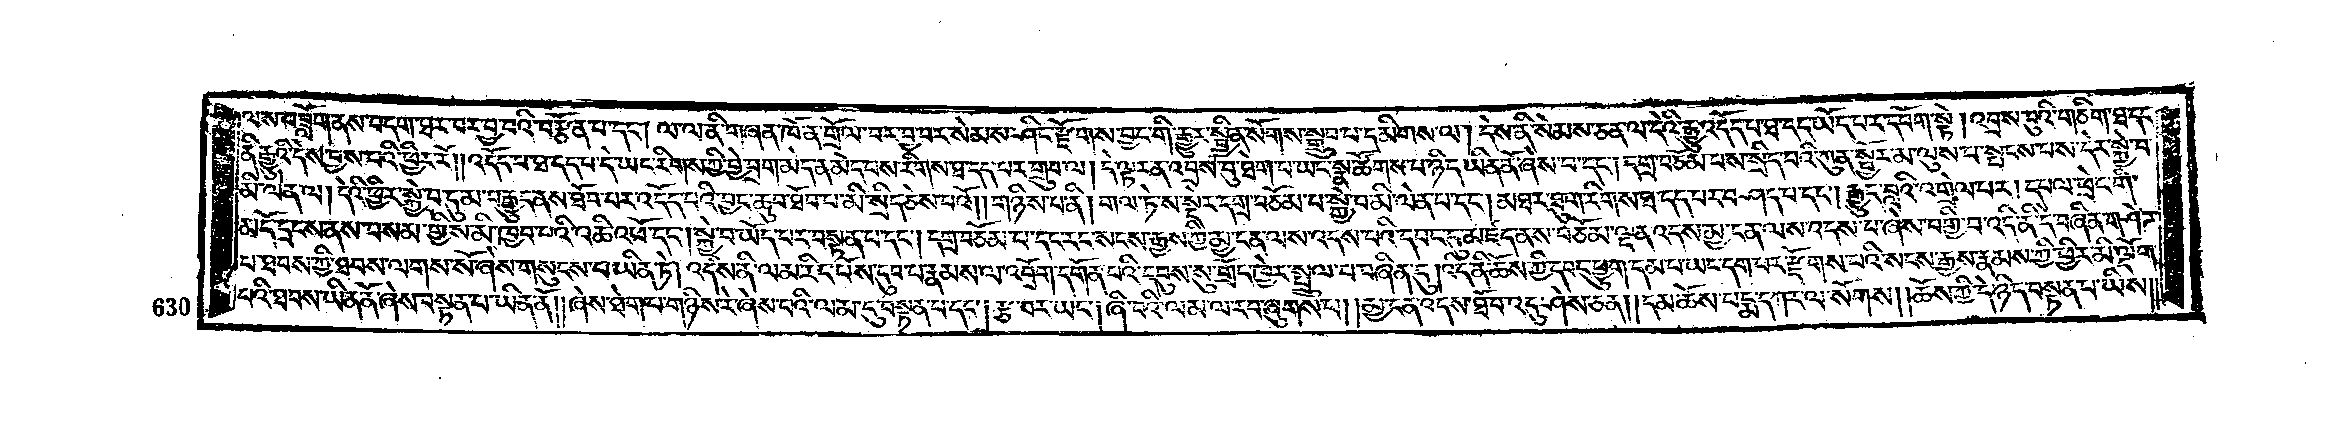ལས་བཟློག་ནས་བདག་ཐར་བར་བྱ་བའི་བརྩོན་པ་དང་། ལ་ལ་ནི་གཞན་ཁོ་ན་གྲོལ་བར་བྱ་བར་སེམས་ཤིང་རྫོགས་བྱང་གི་རྒྱུར་སྦྱིན་སོགས་སྒྲུབ་པ་དམིགས་ལ། དེས་ནི་སེམས་ཅན་ལ་དེའི་རྒྱུ་འདོད་པ་ཐ་དད་ཡོད་པར་དབོག་སྟེ། འབྲས་བུའི་གཅིག་ཐ་དང་
ནི་རྒྱུའི་དེས་བྱས་པའི་ཕྱིར་རོ། །འདོད་པ་ཐ་དད་པ་དེ་ཡང་རིགས་ཀྱི་བྱེ་བྲག་མེད་ན་མེད་པས་རིགས་ཐ་དད་པར་གྲུབ་ལ། དེ་ལྟར་ན་འབྲས་བུ་ཐེག་པ་ཡང་སྣ་ཚོགས་པ་ཉིད་ཡིན་ནོ་ཞེས་པ་དང་། དགྲ་བཅོམ་པས་སྲིད་པའི་ཀུན་སྦྱོར་མ་ལུས་པ་སྤངས་པས་དེར་སྐྱེ་བ་
མི་ལེན་ལ། དེའི་ཕྱིར་སྐྱེ་བ་དུ་མ་བརྒྱུད་ནས་ཐོབ་པར་འདོད་པའི་བྱང་ཆུབ་ཐོབ་པ་མི་སྲིད་ཅེས་པའོ། །གཉིས་པ་ནི། གལ་ཏེ་ས་སྡེར་དགྲ་བཅོམ་པ་སྐྱེ་བ་མི་ལེན་པ་དང་། མཐར་ཐུག་རིགས་ཐ་དད་པར་བཤད་པ་དང་། རྒྱུད་བླའི་འགྲེལ་པར། དཔལ་ཕྲེང་གི་
མདོ་དྲངས་ནས་བསམ་གྱིས་མི་ཁྱབ་པའི་འཆི་འཕོ་དང་། སྐྱེ་བ་ཡོད་པར་བསྟན་པ་དང་། དགྲ་བཅོམ་པ་དང་རང་སངས་རྒྱས་ཀྱི་མྱ་ངན་ལས་འདས་པའི་དབང་དུ་མཛད་ནས་བཅོམ་ལྡན་འདས་མྱ་ངན་ལས་འདས་པ་ཞེས་བགྱི་བ་འདི་ནི་དེ་བཞིན་གཤེགས་
པ་ཐབས་ཀྱི་ཐབས་ལགས་སོ་ཞེས་གསུངས་པ་ཡིན་ཏེ། འདིས་ནི་ལམ་རིང་པོས་དུབ་པ་རྣམས་ལ་འབྲོག་དགོན་པའི་དབུས་སུ་གྲོང་ཁྱེར་སྤྲུལ་པ་བཞིན་དུ། འདི་ནི་ཆོས་ཀྱི་དབང་ཕྱུག་དམ་པ་ཡང་དག་པར་རྫོགས་པའི་སངས་རྒྱས་རྣམས་ཀྱི་ཕྱིར་མི་ལྡོག་
པའི་ཐབས་ཡིན་ནོ་ཞེས་བསྟན་པ་ཡིན་ནོ། །ཞེས་ཐེག་པ་གཉིས་རེ་ཞེས་པའི་ལམ་དུ་བསྟན་པ་དང་། རྩ་བར་ཡང་། ཞི་བའི་ལམ་ལ་རབ་ཞུགས་པ། །མྱ་ངན་འདས་ཐོབ་འདུ་ཤེས་ཅན། །དམ་ཆོས་པདམ་དཀར་ལ་སོགས། །ཆོས་ཀྱི་དེ་ཉིད་བསྟན་པ་ཡིས།།